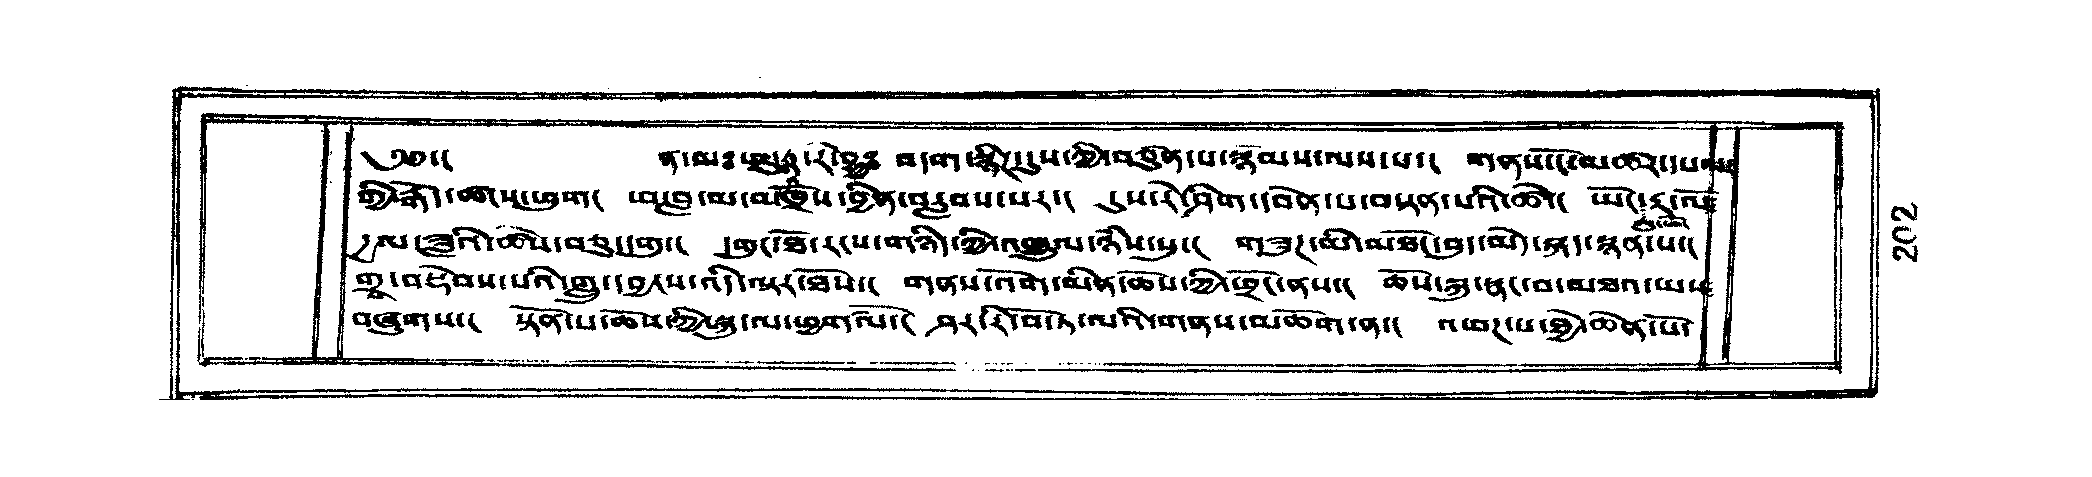ན་མཿཨུཏྟཱ་རེ་བྷྱཿ བདག་སྙིགས་དུས་ཀྱི་བཙུན་པ་སྙོམས་ལས་པ། །གནས་ངོ་མཚར་དཔལ་
གྱི་རྒོད་ཚང་ཕུག །ཕ་བླ་མ་མཁའ་འགྲོས་བྱིན་བརླབས་པར། །དུས་རེ་ཤིག་དབེན་པ་བསྟན་པའི་ཚེ། །ཡོངས་རྟ་ལོ་
རྒྱལ་ཟླའི་ཚེས་བཅུ་དགུ། །དགུང་ཐོ་རངས་གཉིད་ཀྱི་འཁྲུལ་ཉམས་སུ། གཟུགས་མི་མཐོང་བུད་མེད་སྐད་སྙན་པ། །
གྲྭ་བསྡེབས་པའི་གླུ་དབྱངས་འདིར་ལྟར་ཐོས། །གནས་འོག་མིན་ཆོས་ཀྱི་ཕོ་བྲང་ནས། །ཆོས་སྐུ་སྣང་བ་མཐའ་ཡས་
བཞུགས། །སྟོན་པ་ཆོས་ཀྱི་སྐུ་ལ་ཕྱག་འཚལ་ལོ། །ཤར་རི་བོ་ཏ་ལའི་གནས་མཆོག་ན། །འཕགས་པ་ཐུགས་རྗེ་ཆེན་པོ་